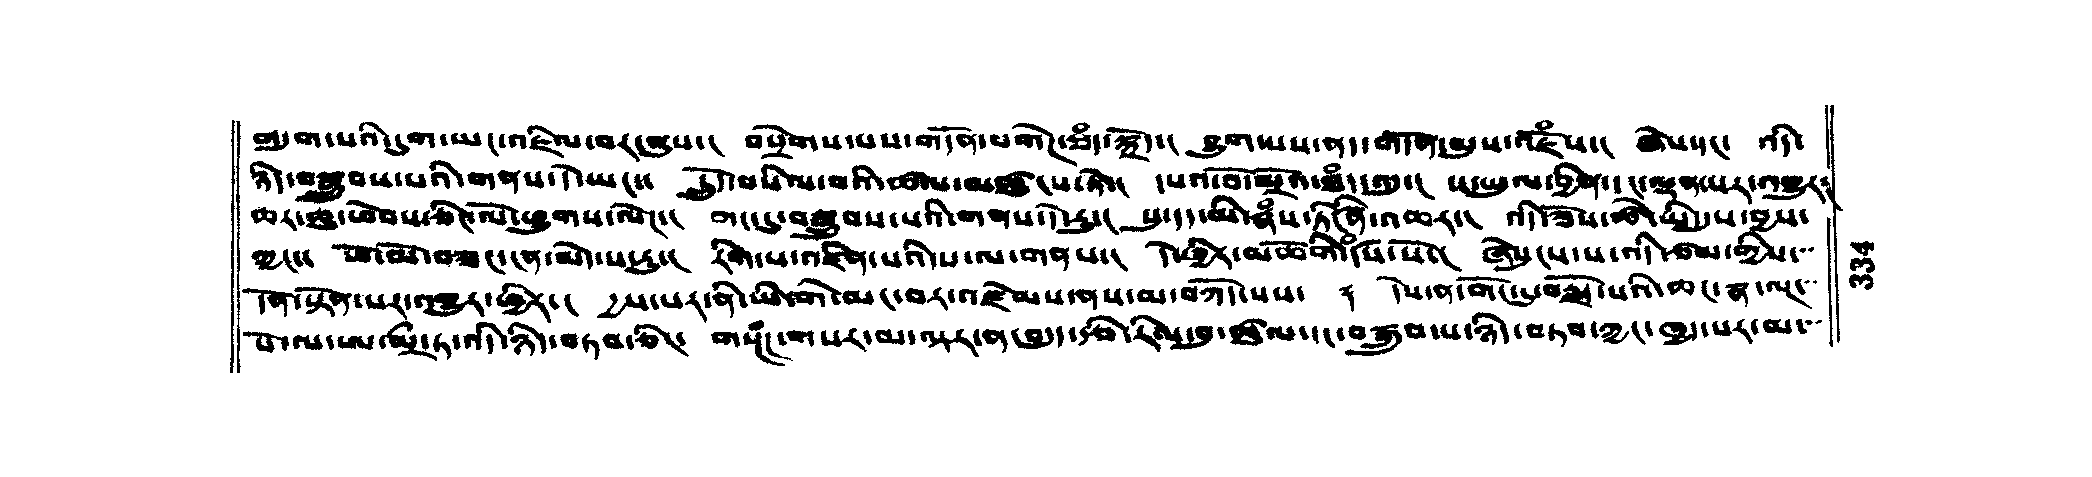གདུག་པའི་དུག་མང་འཇིལ་བར་མང་། །བསྲེགས་པས་གདོན་གེགས་ཐམས་ཅད་སྐྲོད། །བྱུག་པས་ནད་གདོན་མ་ལུས་འཇོམས། །ཞེས་དང་། འདི་
ཉིད་བསྒྲུབས་པའི་གནས་དེ་ཡང་། །དུར་ཁྲོད་བསིལ་བའི་ཚལ་མཚུངས་ཏེ། །དཔའ་བོ་མཐའ་འགྲོ་ཐམས་ཅད་འདུ། །ས་ཡུལ་བྱིན་དང་ལྡན་པར་འགྱུར། །
ཆར་ཆུ་ཕེབས་ཤིང་ལོ་ཕྱུགས་ལེགས། །གང་དུ་བསྒྲུབས་པའི་གནས་དེ་རུ། །སེ་དད་མི་རྣམས་ཏིང་འཛིན་འཆར། །འདི་ཟོས་ཚེ་ཡི་དུས་བྱས་
ཀྱང་། །ཕོ་མོ་བཟང་ངན་མེད་པ་རུ། །རིག་པ་འཛིན་པའི་ས་ལ་གནས། །དེ་ཕྱིར་མཆོག་གི་དམ་རྫས་སོ། ཞེས་གསུངས་པ་འདི་ཙམ་གྱིས་
དོན་སྟོན་པར་འགྱུར་ཕྱིར། རྒྱས་པར་ནི་ཡི་གེ་མང་བར་ཛེམས་ནས་མ་བཀོད་པས། ༈ དེས་ན་གོང་དུ་བརྗོད་པའི་ཆང་་སྣ་ལྔ་
པོ་ལ་ཨ་མྲྀ་ཏ་འདི་ཉིད་བཏབ་ཅིང་། གསང་སྔགས་གསར་མ་ལྟར་ན་བདུད་རྩི་རིལ་བུ་ཚུལ་དང་བསྒྲུབ་པ་ཉིད་བཏབ་ཀྱང་ཁྱད་པར་མ་